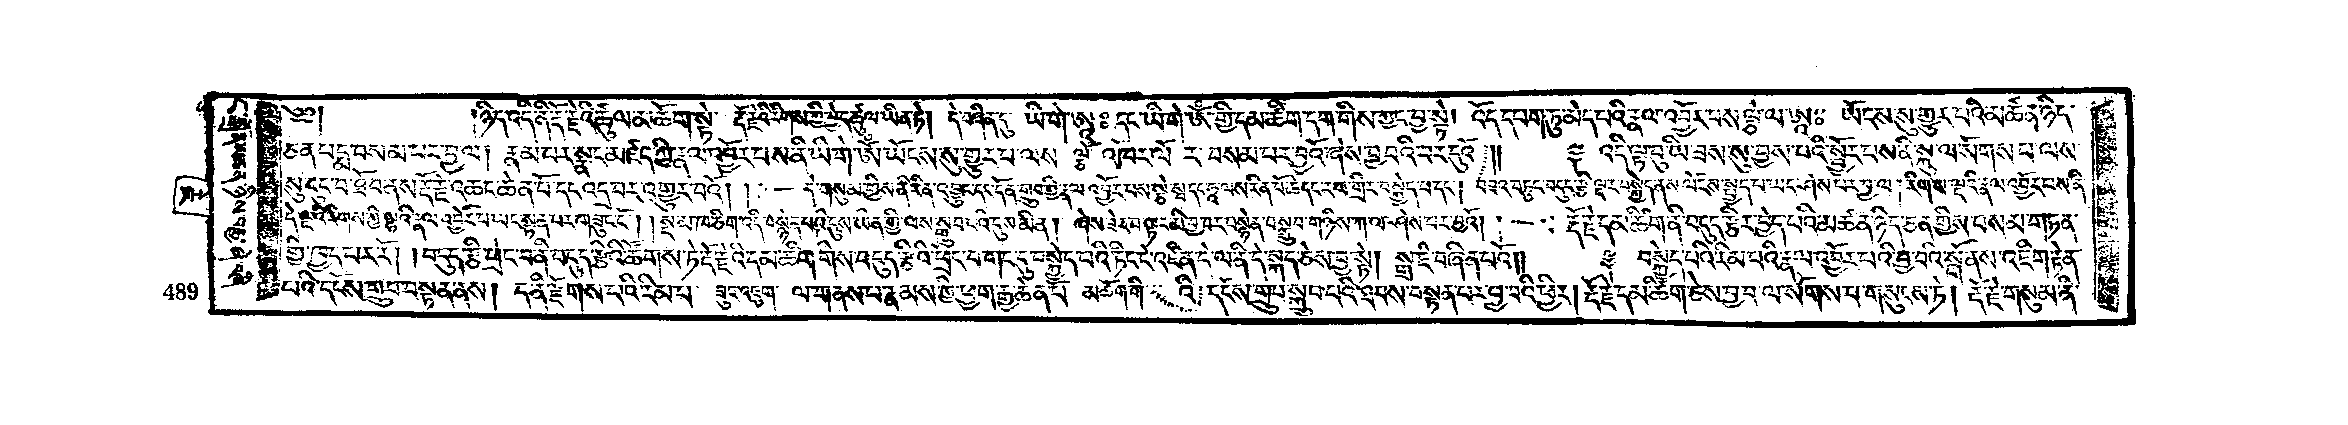༄༅། །ཉིད་འདི་ནི་རྡོ་རྗེའི་ཚུལ་མཆོག་སྟེ་རྡོ་རྗེའི་རིགས་ཀྱི་བྱེད་ཚུལ་ཡིན་ཏེ། དེ་བཞིན་དུ་ཡི་གེ་ཨཱཿ དང་ཡི་གེ་ཨོཾ་གྱི་དམ་ཚིག་དག་གིས་ཀྱང་བྱ་སྟེ། འོད་དཔག་ཏུ་མེད་པའི་རྣལ་འབྱོར་པས་ལྕེ་ལ་ཨཱཿ ཡོངས་སུ་གྱུར་པའི་མཚན་ཉིད་
ཅན་པདམ་བསམ་པར་བྱ་ལ། རྣམ་པར་སྣང་མཛད་ཀྱི་རྣལ་འབྱོར་པས་ནི་ཡི་གེ་ཨོཾ་ཡོངས་སུ་གྱུར་པ་ལས་ལྕེ་འཁོར་ལོར་བསམ་པར་བྱའོ་ཞེས་བྱ་བའི་བར་དུའོ།། ༈ འདི་ལྟ་བུ་ཡི་ཟས་སུ་བྱས་པའི་སྦྱོར་པས་ནི་སྐུ་ལ་སོགས་པ་ལས་
སུ་རུང་བ་ཐོབ་ནས་རྡོ་རྗེ་འཆང་ཆེན་པོ་དང་འདྲ་བར་འགྱུར་བའོ། །དེ་གསུམ་གྱིས་ནི་རིན་འབྱུང་དང་དོན་གྲུབ་ཀྱི་རྣལ་འབྱོར་པས་ལྕེ་སྭ་དང་ཧཱ་ལས་རིན་པོ་ཆེ་དང་རལ་གྲིར་བསྐྱེད་པ་དང་། བཟའ་བཏུང་བདུད་རྩི་ལྔར་བསྐྱེད་ནས་ལོངས་སྤྱད་པ་ཡང་ཤེས་པར་བྱ་ལ། རིགས་ལྔའི་རྣལ་འབྱོར་པས་ནི་
དེ་ལྔའི་རིགས་ཀྱི་ལྷའི་རྣལ་འབྱོར་པ་ཡང་སྟན་པར་གཟུང་ངོ། །སྔ་མ་ཁ་ཅིག་འདི་བསྙེན་པའི་དུས་ཡིན་གྱི་ལས་སྒྲུབ་པའི་དུས་མིན། ཞེས་ཟེར་བ་ལྟར་མི་བྱ་བར་བསྙེན་བསྒྲུབ་གཉིས་ཀ་ལ་ཤེས་པར་བྱའོ།། རྡོ་རྗེ་དམ་ཚིག་ནི་བདུད་རྩིར་བྱེད་པའི་མཚན་ཉིད་ཅན་གྱིས་བསམ་གཏན་
གྱི་ཁྱད་པར་རོ། །བདུད་རྩི་ཕྲེང་བ་ནི་བདུད་རྩིའི་ཚོགས་ཏེ་རྡོ་རྗེའི་དམ་ཚིག་གིས་བདུད་རྩིའི་ཕྲེང་བ་གང་དུ་བསྐྱེད་པའི་ཏིང་ངེ་འཛིན་དེ་ལ་ནི་དེ་སྐད་ཅེས་བྱ་སྟེ། སྒྲ་ཇི་བཞིན་པའོ།། ༈ བསྐྱེད་པའི་རིམ་པའི་རྣལ་འབྱོར་པའི་བྱ་བའི་སྒོ་ནས་འཇིག་རྟེན་
པའི་དངོས་གྲུབ་བསྟན་ནས། ད་ནི་རྫོགས་པའི་རིམ་པ་ཟུང་འཇུག་ལ་གནས་པ་རྣམས་ཀྱི་ཕྱག་རྒྱ་ཆེན་པོ་མཆོག་གི་འི་དངོས་གྲུབ་སྒྲུབ་པའི་ཐབས་བསྟན་པར་བྱ་བའི་ཕྱིར། རྡོ་རྗེ་དམ་ཚིག་ཅེས་བྱ་བ་ལ་སོགས་པ་གསུངས་ཏེ། རྡོ་རྗེ་གསུམ་ནི་